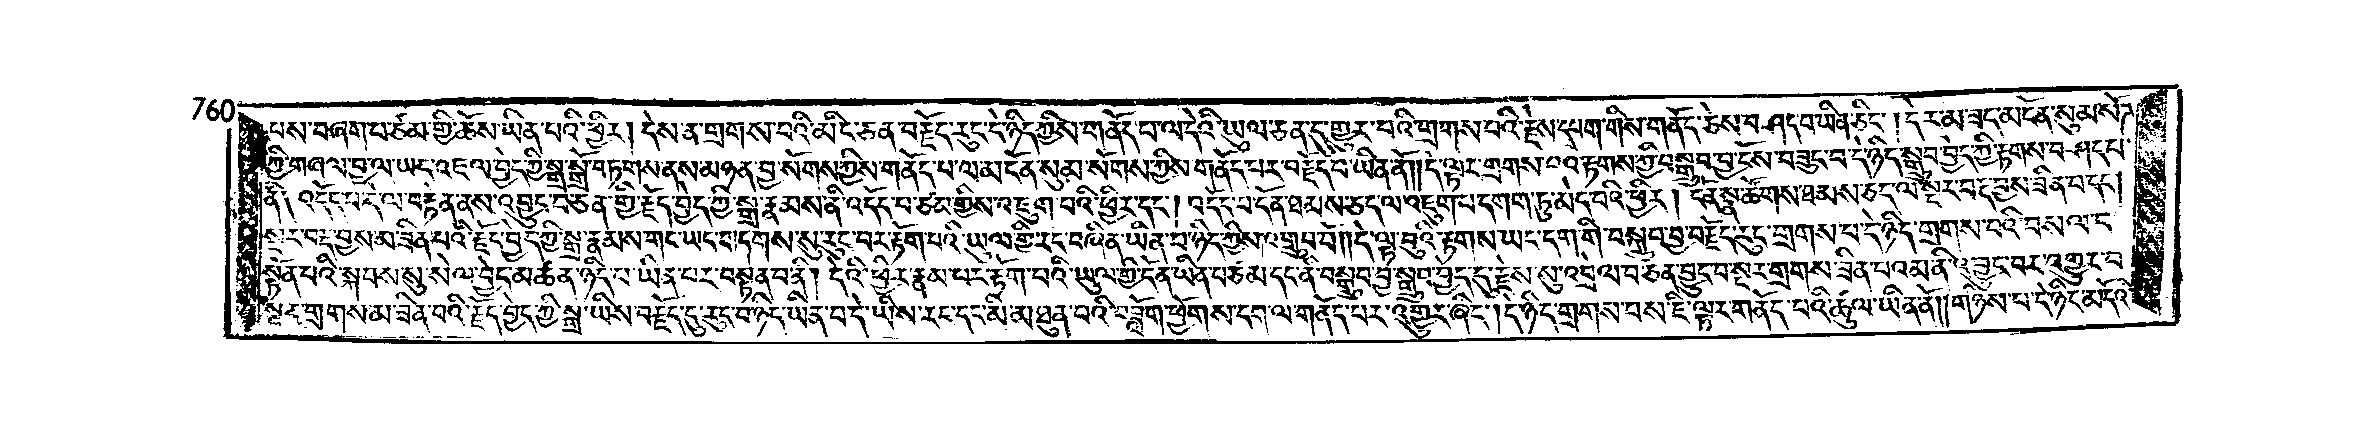པས་བཞག་པ་ཙམ་གྱི་ཆོས་ཡིན་པའི་ཕྱིར། དེས་ན་གྲགས་པའི་མིང་ཅན་བརྗོད་རུང་དེ་ཉིད་ཀྱིས་གནོད་པ་ལ་དེའི་ཡུལ་ཅན་དུ་གྱུར་བའི་གྲགས་པའི་རྗེས་དཔག་གིས་གནོད་ཅེས་བཤད་པ་ཡིན་ཅིང་། དེར་མ་ཟད་མངོན་སུམ་སོགས་
ཀྱི་གཞལ་བྱ་ལ་ཡང་འཇལ་བྱེད་ཀྱི་སྒྲ་སྒྲོ་བཏགས་ནས་མཉན་བྱ་སོགས་ཀྱིས་གནོད་པ་ལ་མངོན་སུམ་སོགས་ཀྱིས་གནོད་པར་བརྗོད་པ་ཡིན་ནོ། །དེ་ལྟར་གྲགས་པའི་རྟགས་ཀྱི་བསྒྲུབ་བྱ་ངོས་བཟུང་བ་དེ་ཉིད་སྒྲུབ་བྱེད་ཀྱི་རྟགས་བཤད་པ་
ནི། འདོད་པ་དེ་ལ་བརྟེན་ནས་འབྱུང་བ་ཅན་གྱི་རྗོད་བྱེད་ཀྱི་སྒྲ་རྣམས་ནི་འདོད་པ་ཙམ་གྱིས་འཇུག་པའི་ཕྱིར་དང་། འདོད་པ་དོན་ཐམས་ཅད་ལ་འཇུག་པ་དགག་ཏུ་མེད་པའི་ཕྱིར། དོན་སྣ་ཚོགས་པ་ཐམས་ཅད་ལ་སྔར་བརྡ་བྱས་ཟིན་པ་དང་།
སྔར་བརྡ་བྱས་མ་ཟིན་པའི་རྗོད་བྱེད་ཀྱི་སྒྲ་རྣམས་གང་ཡང་གདགས་སུ་རུང་བར་རྟོག་པའི་ཡུལ་གྱི་རང་བཞིན་ཡིན་པ་ཉིད་ཀྱིས་འགྲུབ་པོ། །དེ་ལྟ་བུའི་རྟགས་ཡང་དག་གི་བསྒྲུབ་བྱ་བརྗོད་རུང་གྲགས་པ་དེ་ཉིད་གྲགས་པའི་བསལ་བ་
སྟོན་པའི་སྐབས་སུ་སེལ་བྱེད་མཚན་ཉིད་པ་ཡིན་པར་བསྟན་པ་ནི། དེའི་ཕྱིར་རྣམ་པར་རྟོག་པའི་ཡུལ་གྱི་དོན་ཡིན་པ་ཙམ་དང་ནི་བསྒྲུབ་བྱ་སྒྲུབ་བྱེད་དུ་རྗེས་སུ་འབྲེལ་བ་ཅན་བྱུང་བ་སྔར་གྲགས་ཟིན་པའམ་ནི་འབྱུང་བར་འགྱུར་བ་
སྔར་གྲགས་མ་ཟིན་པའི་རྗོད་བྱེད་ཀྱི་སྒྲ་ཡིས་བརྗོད་དུ་རུང་བ་ཉིད་ཡིན་པ་དེ་ཡིས་རང་དང་མི་མཐུན་པའི་བཟློག་ཕྱོགས་དག་ལ་གནོད་པར་འགྱུར་ཞིང་། དེ་ཉིད་གྲགས་པས་ཇི་ལྟར་གནོད་པའི་ཚུལ་ཡིན་ནོ། །གཉིས་པ་དེ་ཉིད་མདོའི་